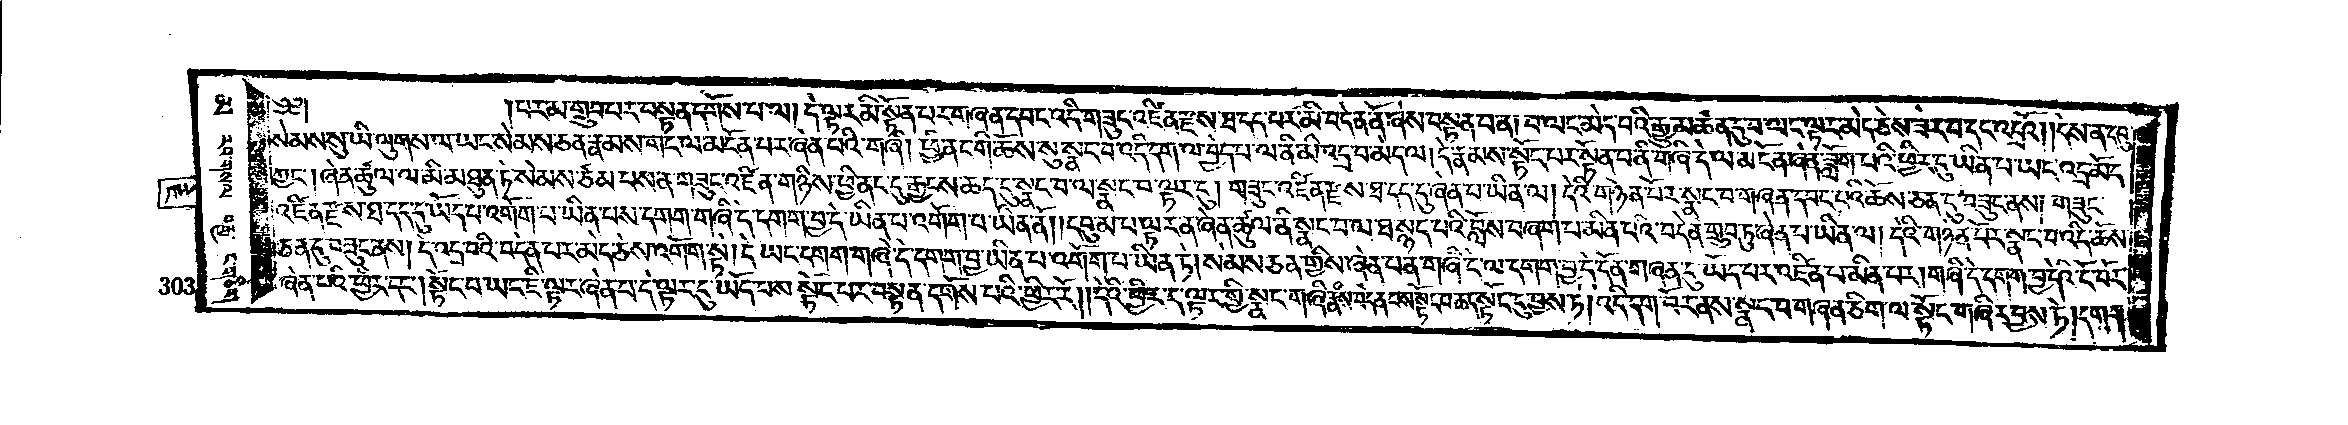༄༅། །པར་མ་གྲུབ་པར་བསྟན་དགོས་པ་ལ། དེ་ལྟར་མི་སྟོན་པར་གཞན་དབང་འདི་གཟུང་འཛིན་རྫས་ཐ་དད་པར་མི་བདེན་ནོ་ཞེས་བསྟན་པ་ན། བ་ལང་མེད་པའི་རྒྱུ་མཚན་དུ་བ་ལང་ལྟར་མེད་ཅེས་ཟེར་བ་དང་འདྲའོ། །དེས་ན་དབུ་
སེམས་སུ་ཡི་ལུགས་ལ་ཡང་སེམས་ཅན་རྣམས་གང་ལ་མངོན་པར་ཞེན་པའི་གཞི། ཕྱི་ནང་གི་ཆོས་སུ་སྣང་བ་འདི་དག་ལ་བྱེད་པ་ལ་ནི་མི་འདྲ་བ་མེད་ལ། དེ་རྣམས་སྟོང་པར་སྟོན་པ་ནི་གཞི་དེ་ལ་མངོན་ཞེན་ཟློག་པའི་ཕྱིར་དུ་ཡིན་པ་ཡང་འདྲ་མོད་
ཀྱང་། ཞེན་ཚུལ་ལ་མི་མཐུན་ཏེ་སེམས་ཙམ་པས་ནི་གཟུང་འཛིན་གཉིས་ཕྱི་ནང་དུ་རྒྱངས་ཆད་དུ་སྣང་བ་ལ་སྣང་བ་ལྟར་དུ། གཟུང་འཛིན་རྫས་ཐ་དད་དུ་ཞེན་པ་ཡིན་ལ། དེའི་གཉེན་པོར་སྣང་བ་གཞན་དབང་པའི་ཆོས་ཅན་དུ་བཟུང་ནས། གཟུང་
འཛིན་རྫས་ཐ་དད་དུ་ཡོད་པ་འགོག་པ་ཡོན་པས་དགག་གཞི་དེ་དགག་བྱ་དེ་ཡིན་པ་འགོག་པ་ཡིན་ནོ། །དབུ་མ་པ་ལྟར་ན་ཞེན་ཚུལ་ནི་སྣང་བ་ལ་ཐ་སྙད་པའི་བློས་བཞག་པ་མིན་པའི་བདེན་གྲུབ་ཏུ་ཞེན་པ་ཡིན་ལ། དེའི་གཉེན་པོར་སྣང་བ་འདི་ཆོས་
ཅན་དུ་བཟུང་ནས། དེ་འདྲ་བའི་བདེན་པར་མེད་ཅེས་འགོག་སྟེ། དེ་ཡང་དགག་གཞི་དེ་དགག་བྱ་ཡིན་པ་འགོག་པ་ཡིན་ཏེ། སེམས་ཅན་གྱིས་ཞེན་པ་ན་གཞི་དེ་ལ་དགག་བྱ་དེ་དོན་གཞན་དུ་ཡོད་པར་འཛིན་པ་མིན་པར། གཞི་དེ་དགག་བྱ་དེའི་ངོ་བོར་
ཞེན་པའི་ཕྱིར་དང་། སྟོང་པ་ཡང་ཇི་ལྟར་ཞེན་པ་དེ་ལྟར་དུ་ཡོད་པས་སྟོང་པར་བསྟན་དགོས་པའི་ཕྱིར་རོ། །དེའི་ཕྱིར་ད་ལྟར་གྱི་སྣང་གཞི་རྣམས་བདེན་པས་སྟོང་པ་ཆད་སྟོང་དུ་བྱས་ཏེ། འདི་དག་བོར་ནས་སྣང་བ་གཞན་ཅིག་ལ་སྟོང་གཞིར་བྱས་ཏེ། དགག་